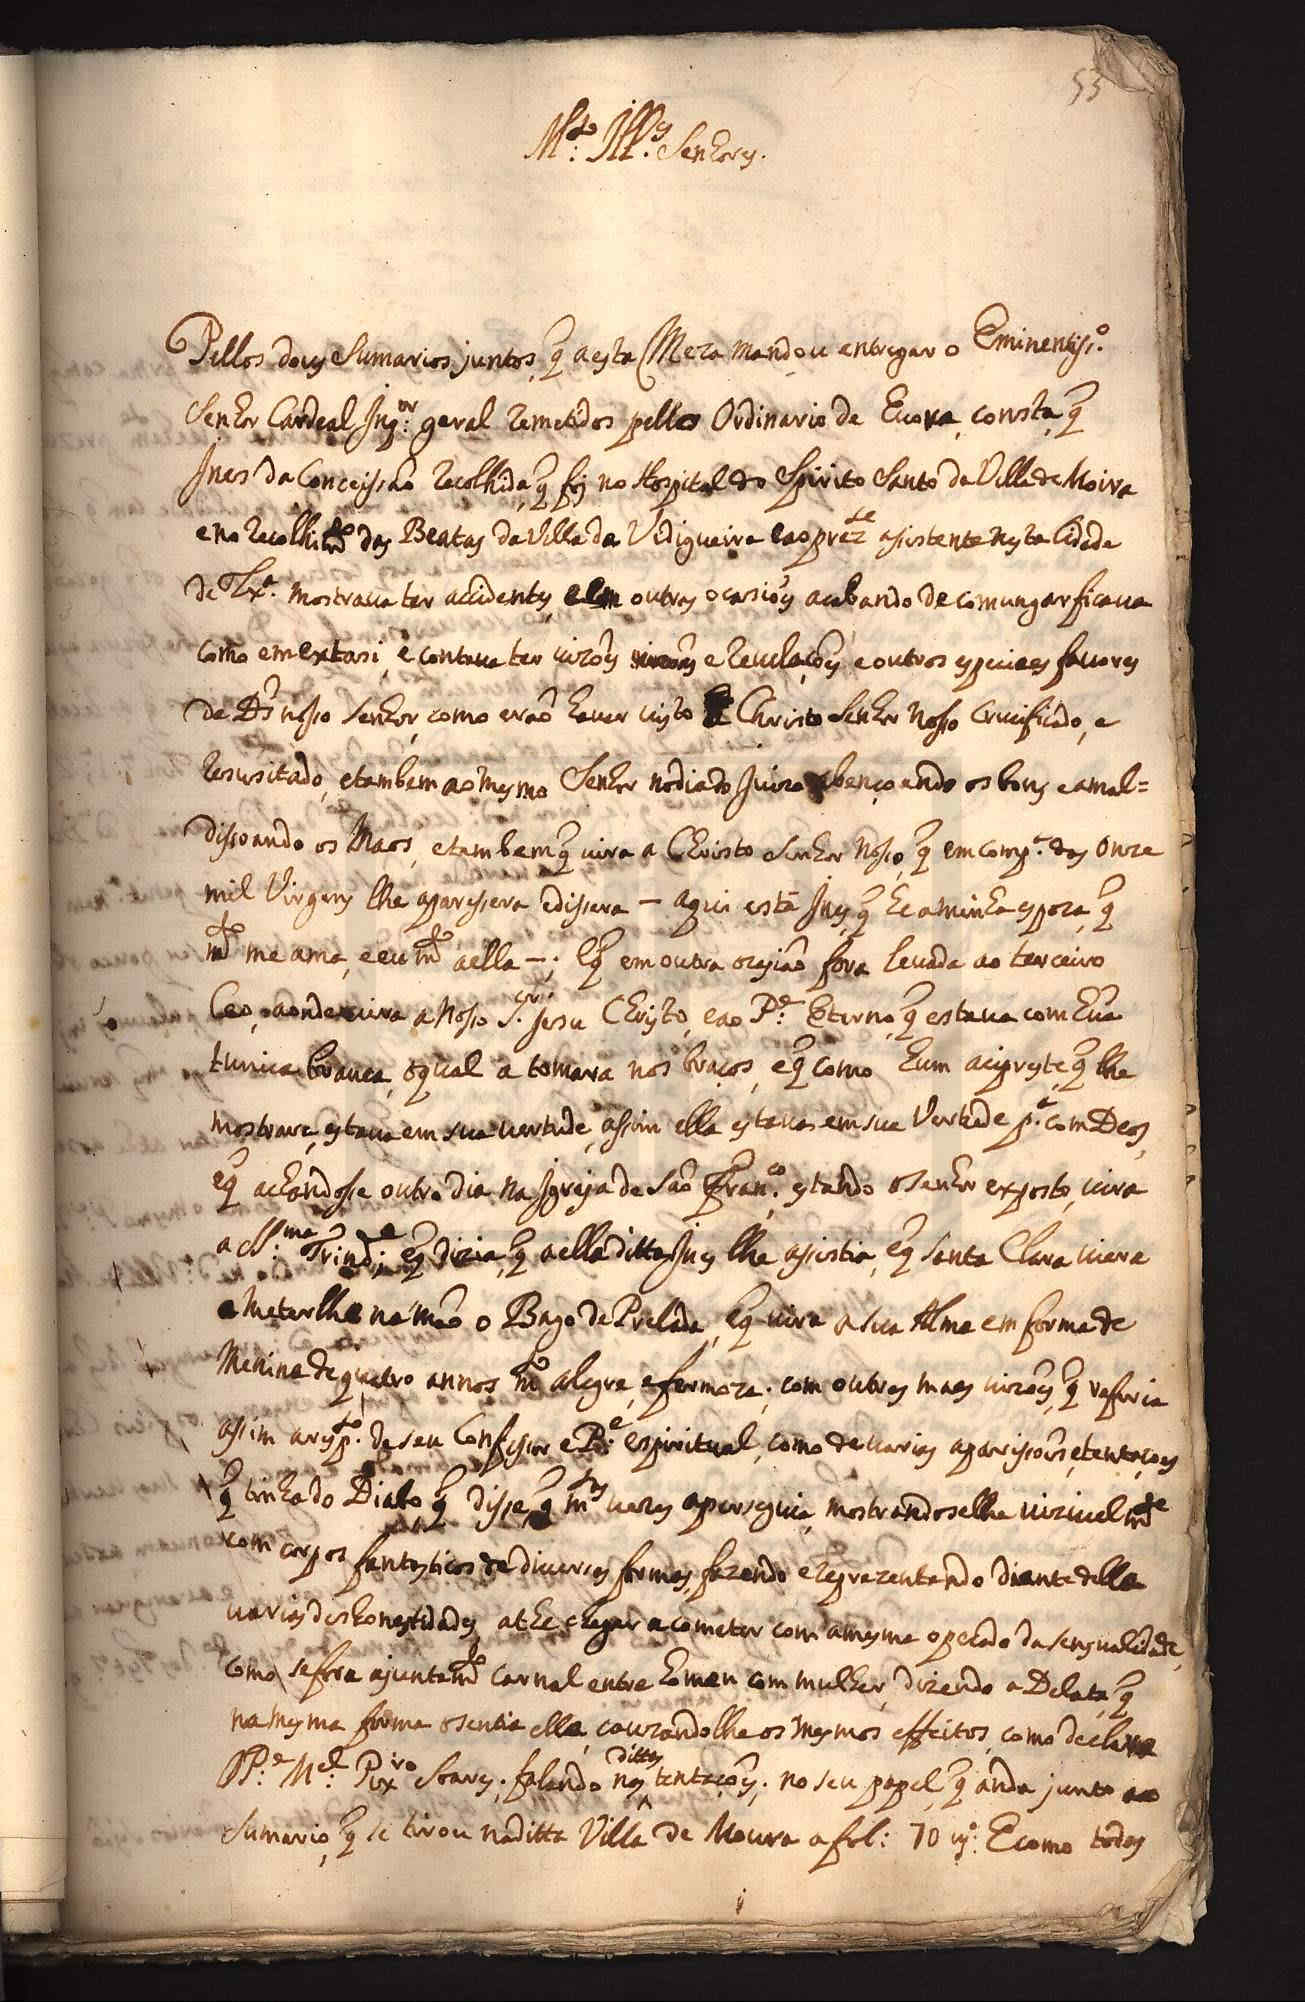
53
M.to Ill.es Senhores
Pellos dous Sumarios juntos, q̄ a esta Meza mandou entregar o Eminentiss.o
Senhor Cardeal Jnq.or geral Remetidos pello Ordinario de Euora, consta q̄
Jnes da Conceissaõ Recolhida, q̄ foj no Hospital do Spirito Santo da Villa de Moira
e no Recolhimto das Beatas da Villa da Vidigueira e ao prezte asistente nesta Cidade
de Lx.a mostraua ter accidentes, e em outras ocazioẽs acabando de comungar ficaua
como em extasi, e contaua ter uizoẽs _as e Reuelações e outros especiaes fauores
de Ds̄ nosso Senhor, como eraõ hauer uisto _ Christo Senhor nosso Crucificado, e
Resusitado, e tambem ao mesmo Senhor no dia do Juizo abençoando os bons e amal
dissoando os Maos, e tambem q̄ uira a Christo Senhor nosso, q̄ em comp.a das onze
mil Virgens lhe aparessera e dissera – aqui está Jnes, q̄ he a minha espoza, q̄
mto me ama, e eu mto a ella–; E q̄ em outra ocasiaõ fora leuada ao terceiro
Ceo, aonde uira a Nosso S.or Jesu Christo, e ao P.e Eterno, q̄ estaua com huā
tunica branca, o qual a tomara nos braços, e q̄ como hum acipreste, q̄ lhe
mostrara, estaua em sua uertude, assim ella estaua em sua Vertude p.a com Deos,
e q̄ achandosse outro dia na Jgreja de Saõ Fran.co estando o Senhor exposto, uira
a SS.ma Trind.e, e q̄ dizia, q̄ a ella ditta Jnes lhe assistia, e q̄ Santa Clara uiera
a meterlhe na maõ o Bago de Prelada, e q̄ uira a sua Alma em forma de
Menina de quatro annos mto alegre, e fermoza; com outras mais uizoẽs, q̄ referia
assim a resp.to de seu Confessor e P.e espiritual, como de uarias aparissoẽs e tentaçoẽs
q̄ tinha do Diabo, q̄ disse q̄ mtas uezes a perseguia, mostrando se lhe uiziuelmte
com corpos fantasticos de diuersas formas, fazendo e reprezentando diante della
uarias deshonestidades athe chegar a cometer com a mesma o pecado da sensualidade
como se fora ajuntam.to carnal entre homen com mulher, dizendo a Delata, q̄
na mesma forma o sentia ella, cauzandolhe os mesmos effeitos, como declara
dittas
O P.e M.el Pexro Soares, falando nas
tentaçoẽs; no seu papel, q̄ anda junto ao
Sumario, q̄ se tirou na ditta Villa de Moura a fol. 70 us.o E como todas
